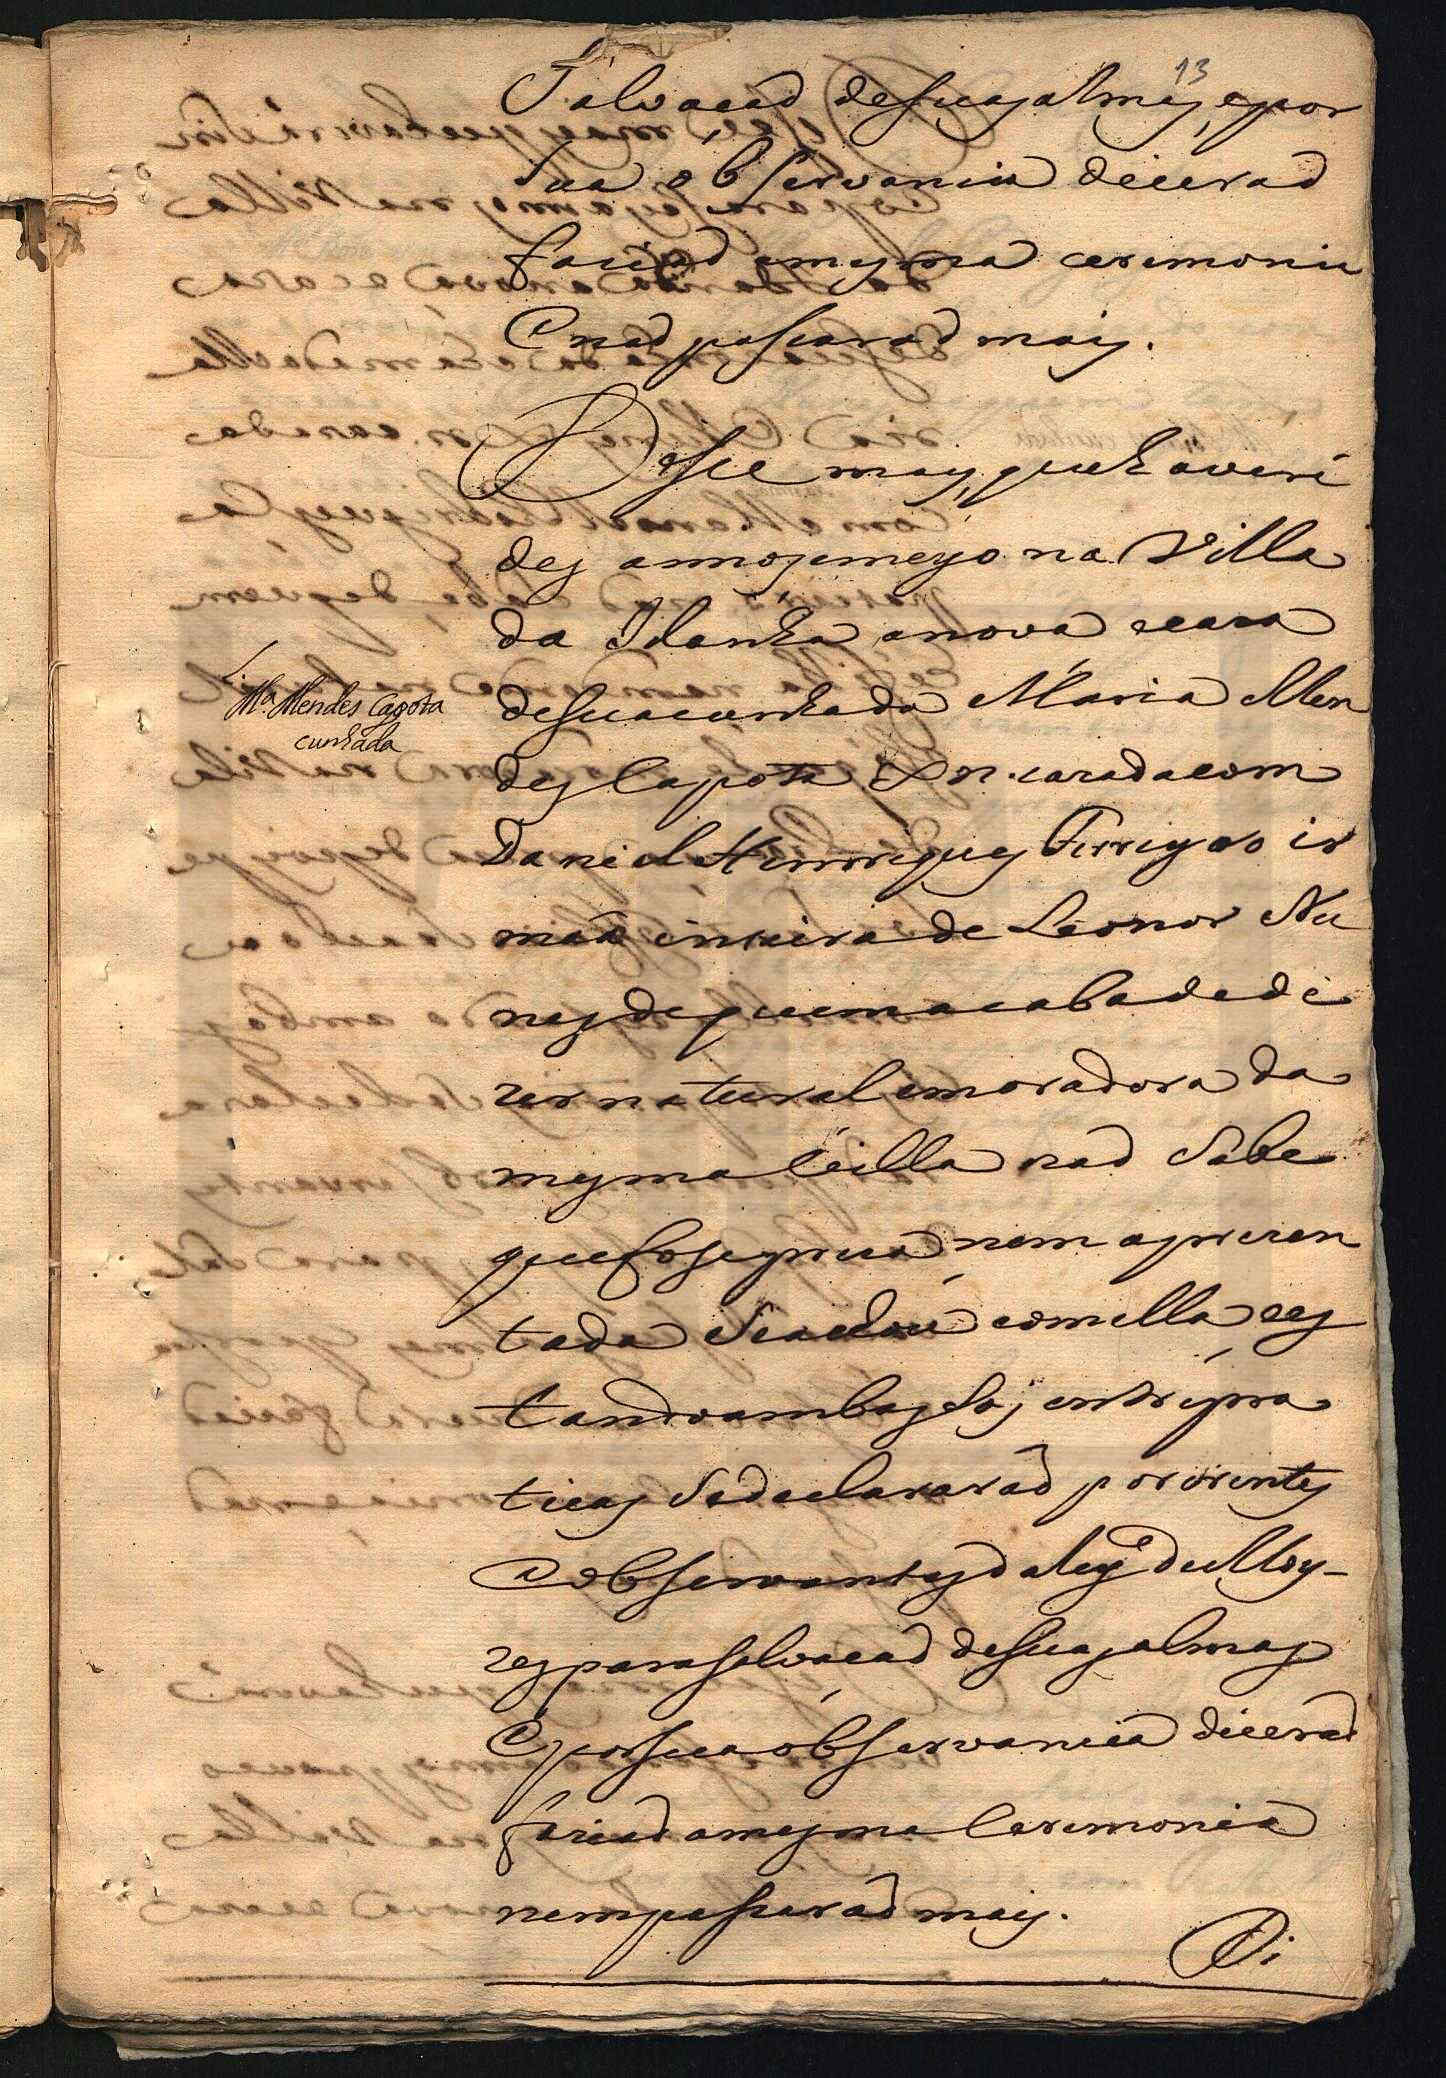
Salvaçaõ de suas almas, e por
sua observançia diceraõ
faziaõ a mesma ceremonia
E naõ passaraõ mais.
Disse mais que haverá
des annos e meyo na Villa
da Idanha a nova, e caza
de sua cunhada Maria Men
L.
M.a Mendes Capota
cunhada
des Capota x n. cazada com
Daniel Henrriques Ferreyro ir
maõ inteiro de Leonor Nu
nes de quem acaba de di
zer natural e moradora da
mesma villa naõ Sabe
que fose preza, nem aprezen
tada se achou com ella e es
tando ambos sos entre pra
ticas se declararaõ por crentes
e observantes da ley de Moy
zes para salvaçaõ de suas almas
E por sua observancia diceraõ
faziaõ a mesma Ceremonia
nem passaraõ mais.
Di
